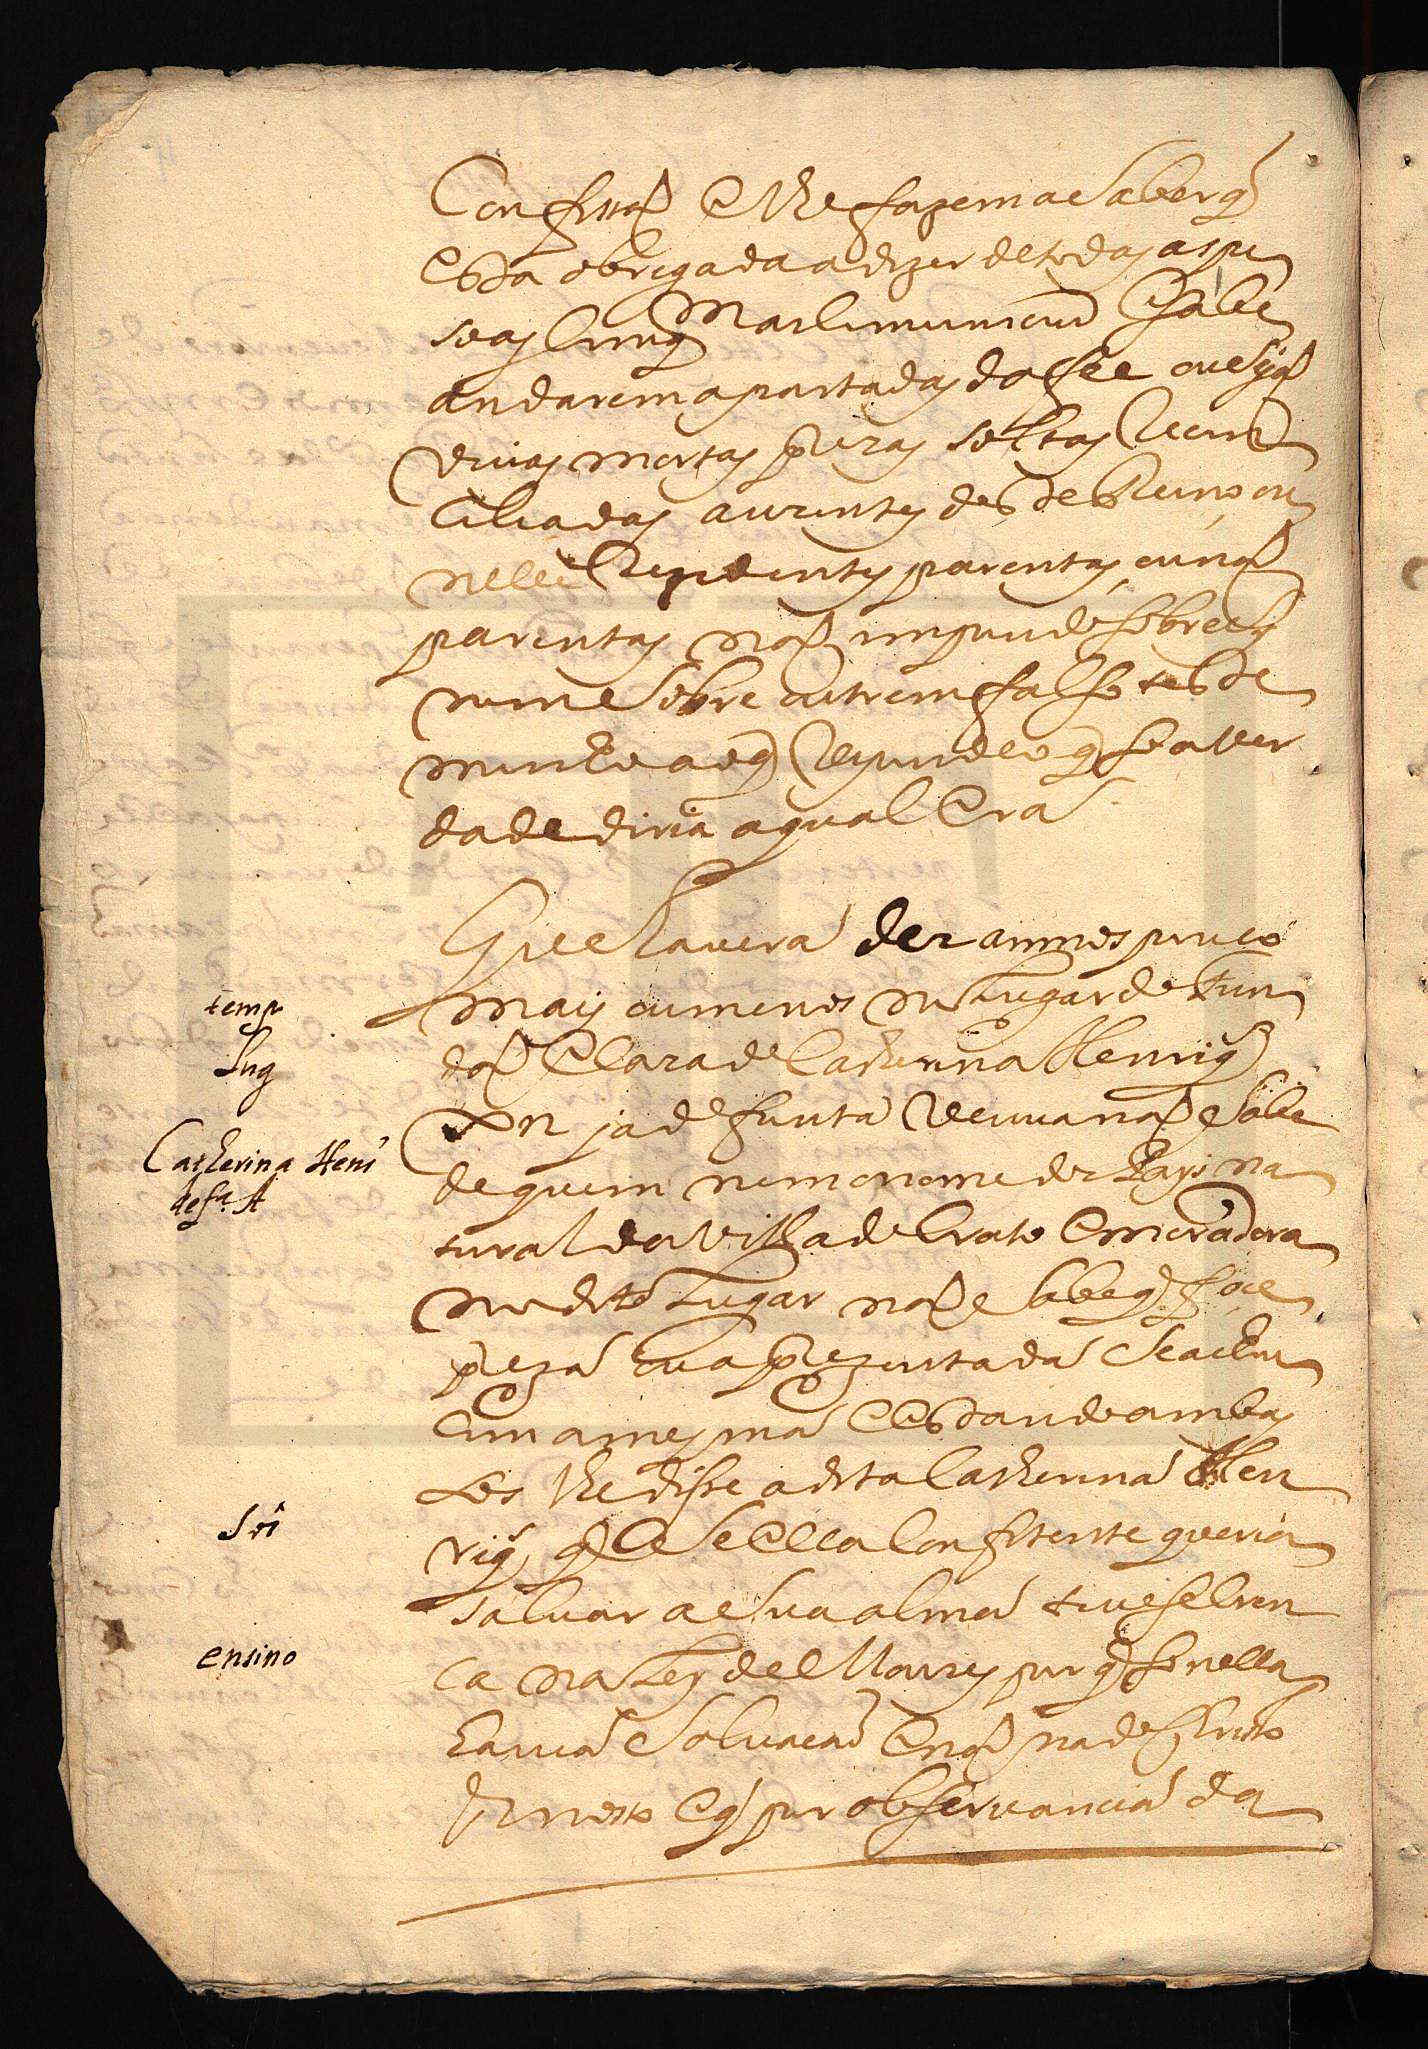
temp
Lug
Catherina Hens̄
def.a A
Sos̄
ensino
Confissā e lhe fazem a Saber q̄
esta obrigada a dizer de todas as pe
soas Com qm as comunicou e sabe
andarem apartadas da fee ou sejā
viuas mortas prezas soltas Recom
ciliadas auzentes deste Reino, ou
nelle Residentes parentas, ou naõ
parentas nā impondo sobre sy
nem Sobre outrem falso teste
munho ao q̄ Respondeo q̄ so a ver
dade diria a qual era
Que hauera dez annos pouco
mais ou menos no Lugar do Fun
dā e caza de Catherina Henriqs
xn ja defunta veuua nā Sabe
de quem nem o nome dos Pays na
tural da villa do Crato e moradora
no dito Lugar nā Sabe q̄ foçe
preza ou aprezentada Se achou
com a mesma e estando ambas
sos lhe disse a dita Catherina Hen
riqs q̄ Se ella Confitente queria
saluar a Sua alma tiuese cren
ca na Ley de Moizes porq̄ so nella
hauia Saluacaõ E nā na do Christo
s̄r nosso e q̄ por obseruancia da
